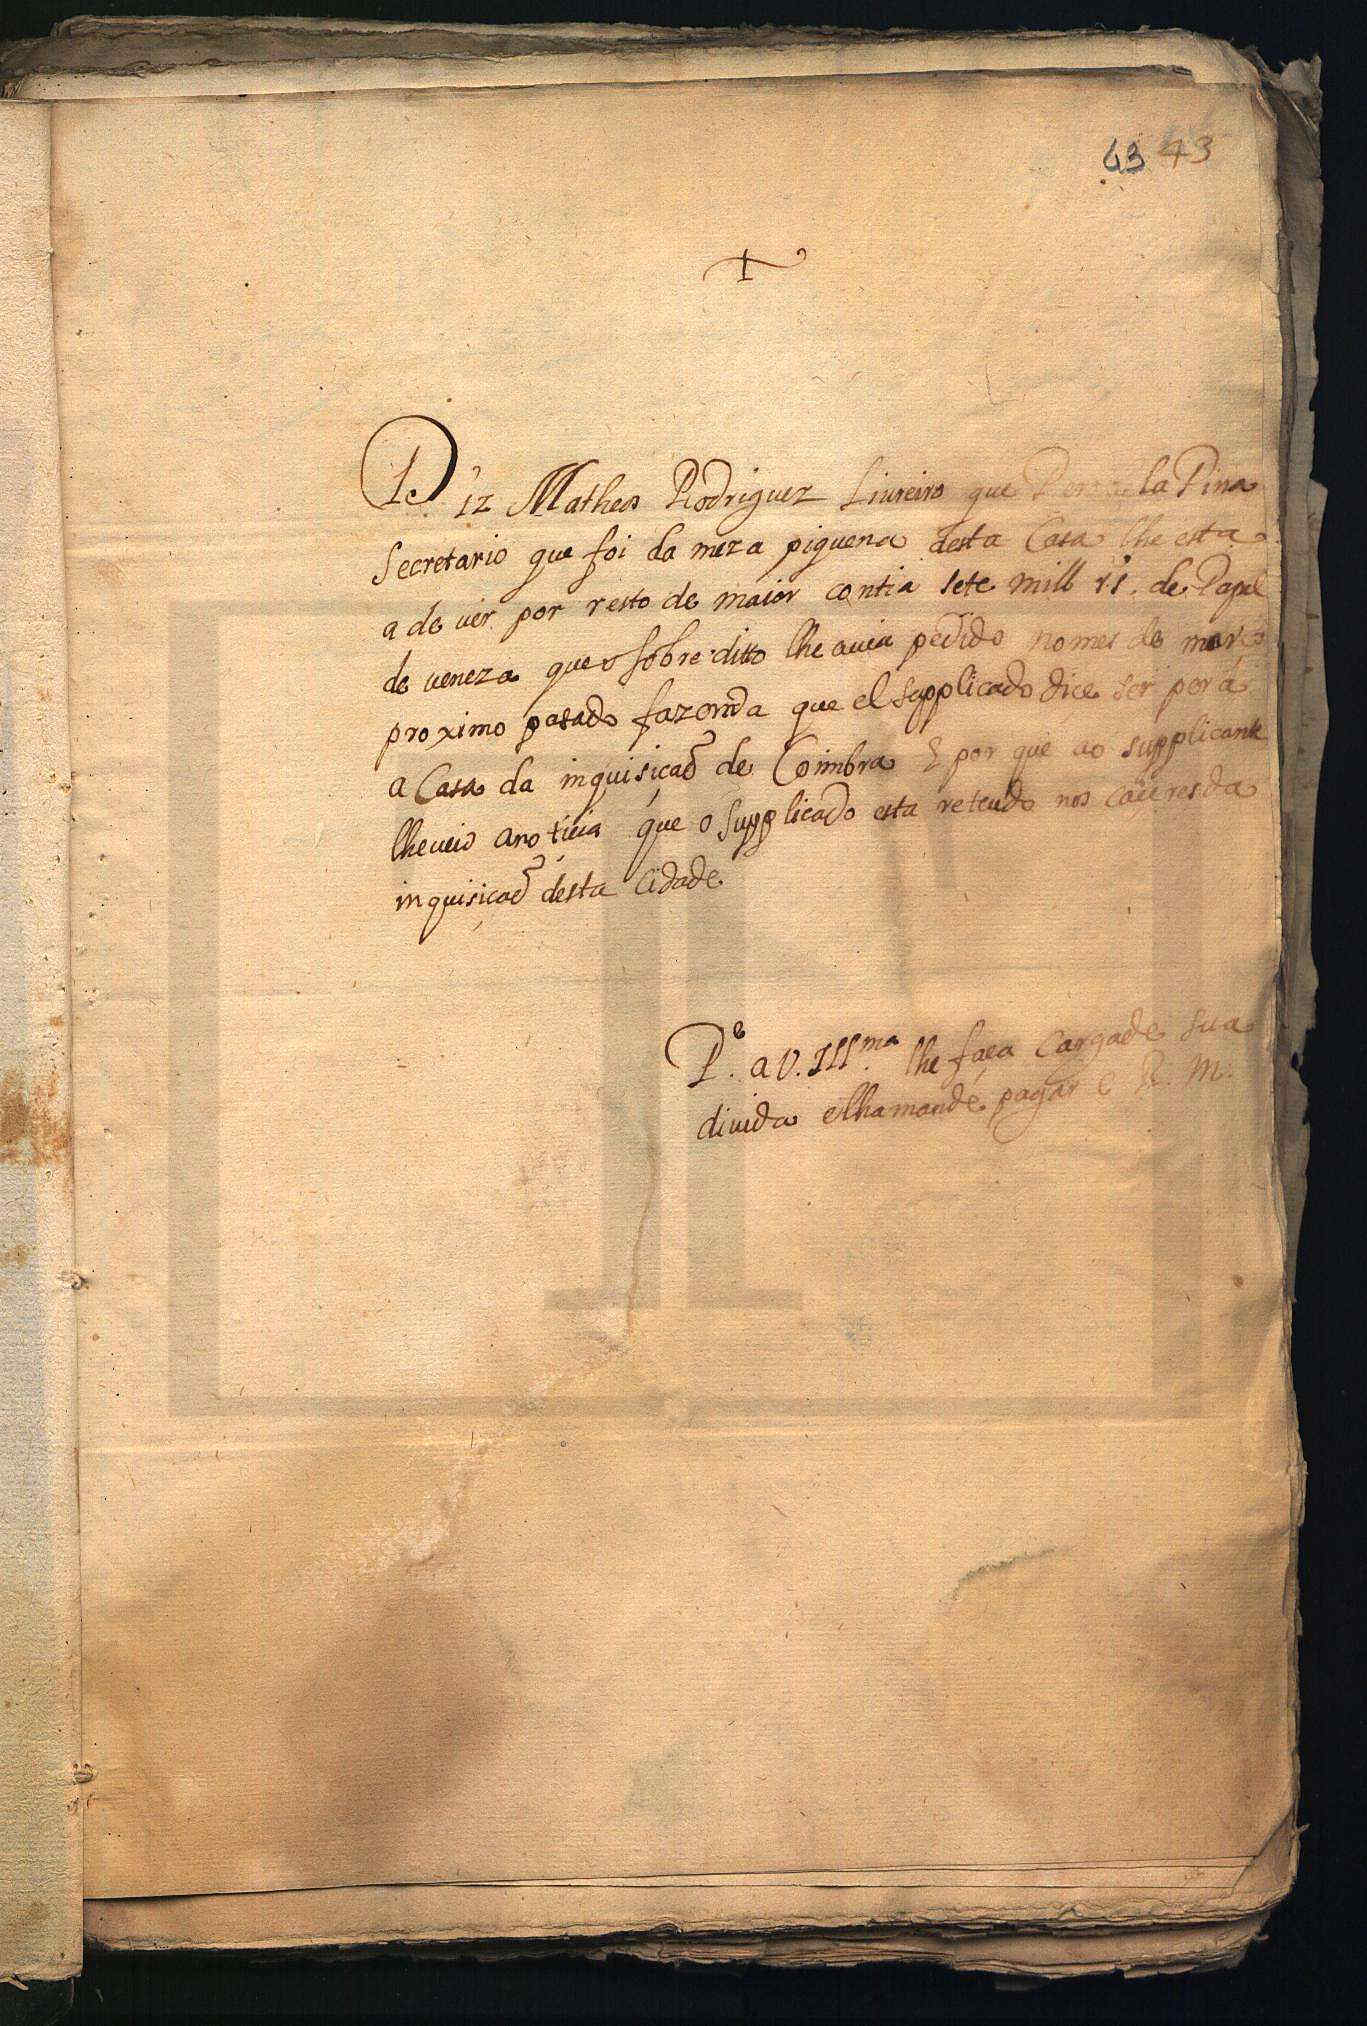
43
Diz Matheos Rodriguez Liureiro que Pedro laPina
Secretario que foi da meza piquena desta Casa lhe esta
a deuer por resto de maior contia sete mill rs̄ de Papel
de ueneza que o sobreditto lhe auia pedido no mes de março
proximo pasado fazenda que el supplicado dice ser pera
a Casa da inquisiçaõ de Coimbra E porque ao supplicante
lhe ueio a noticia que o supplicado esta reteudo nos caceres da
inquisiçaõ desta cidade
P.e a V. Ill.ma lhe faça carga de sua
diuida e lha mande pagar e R. m.
